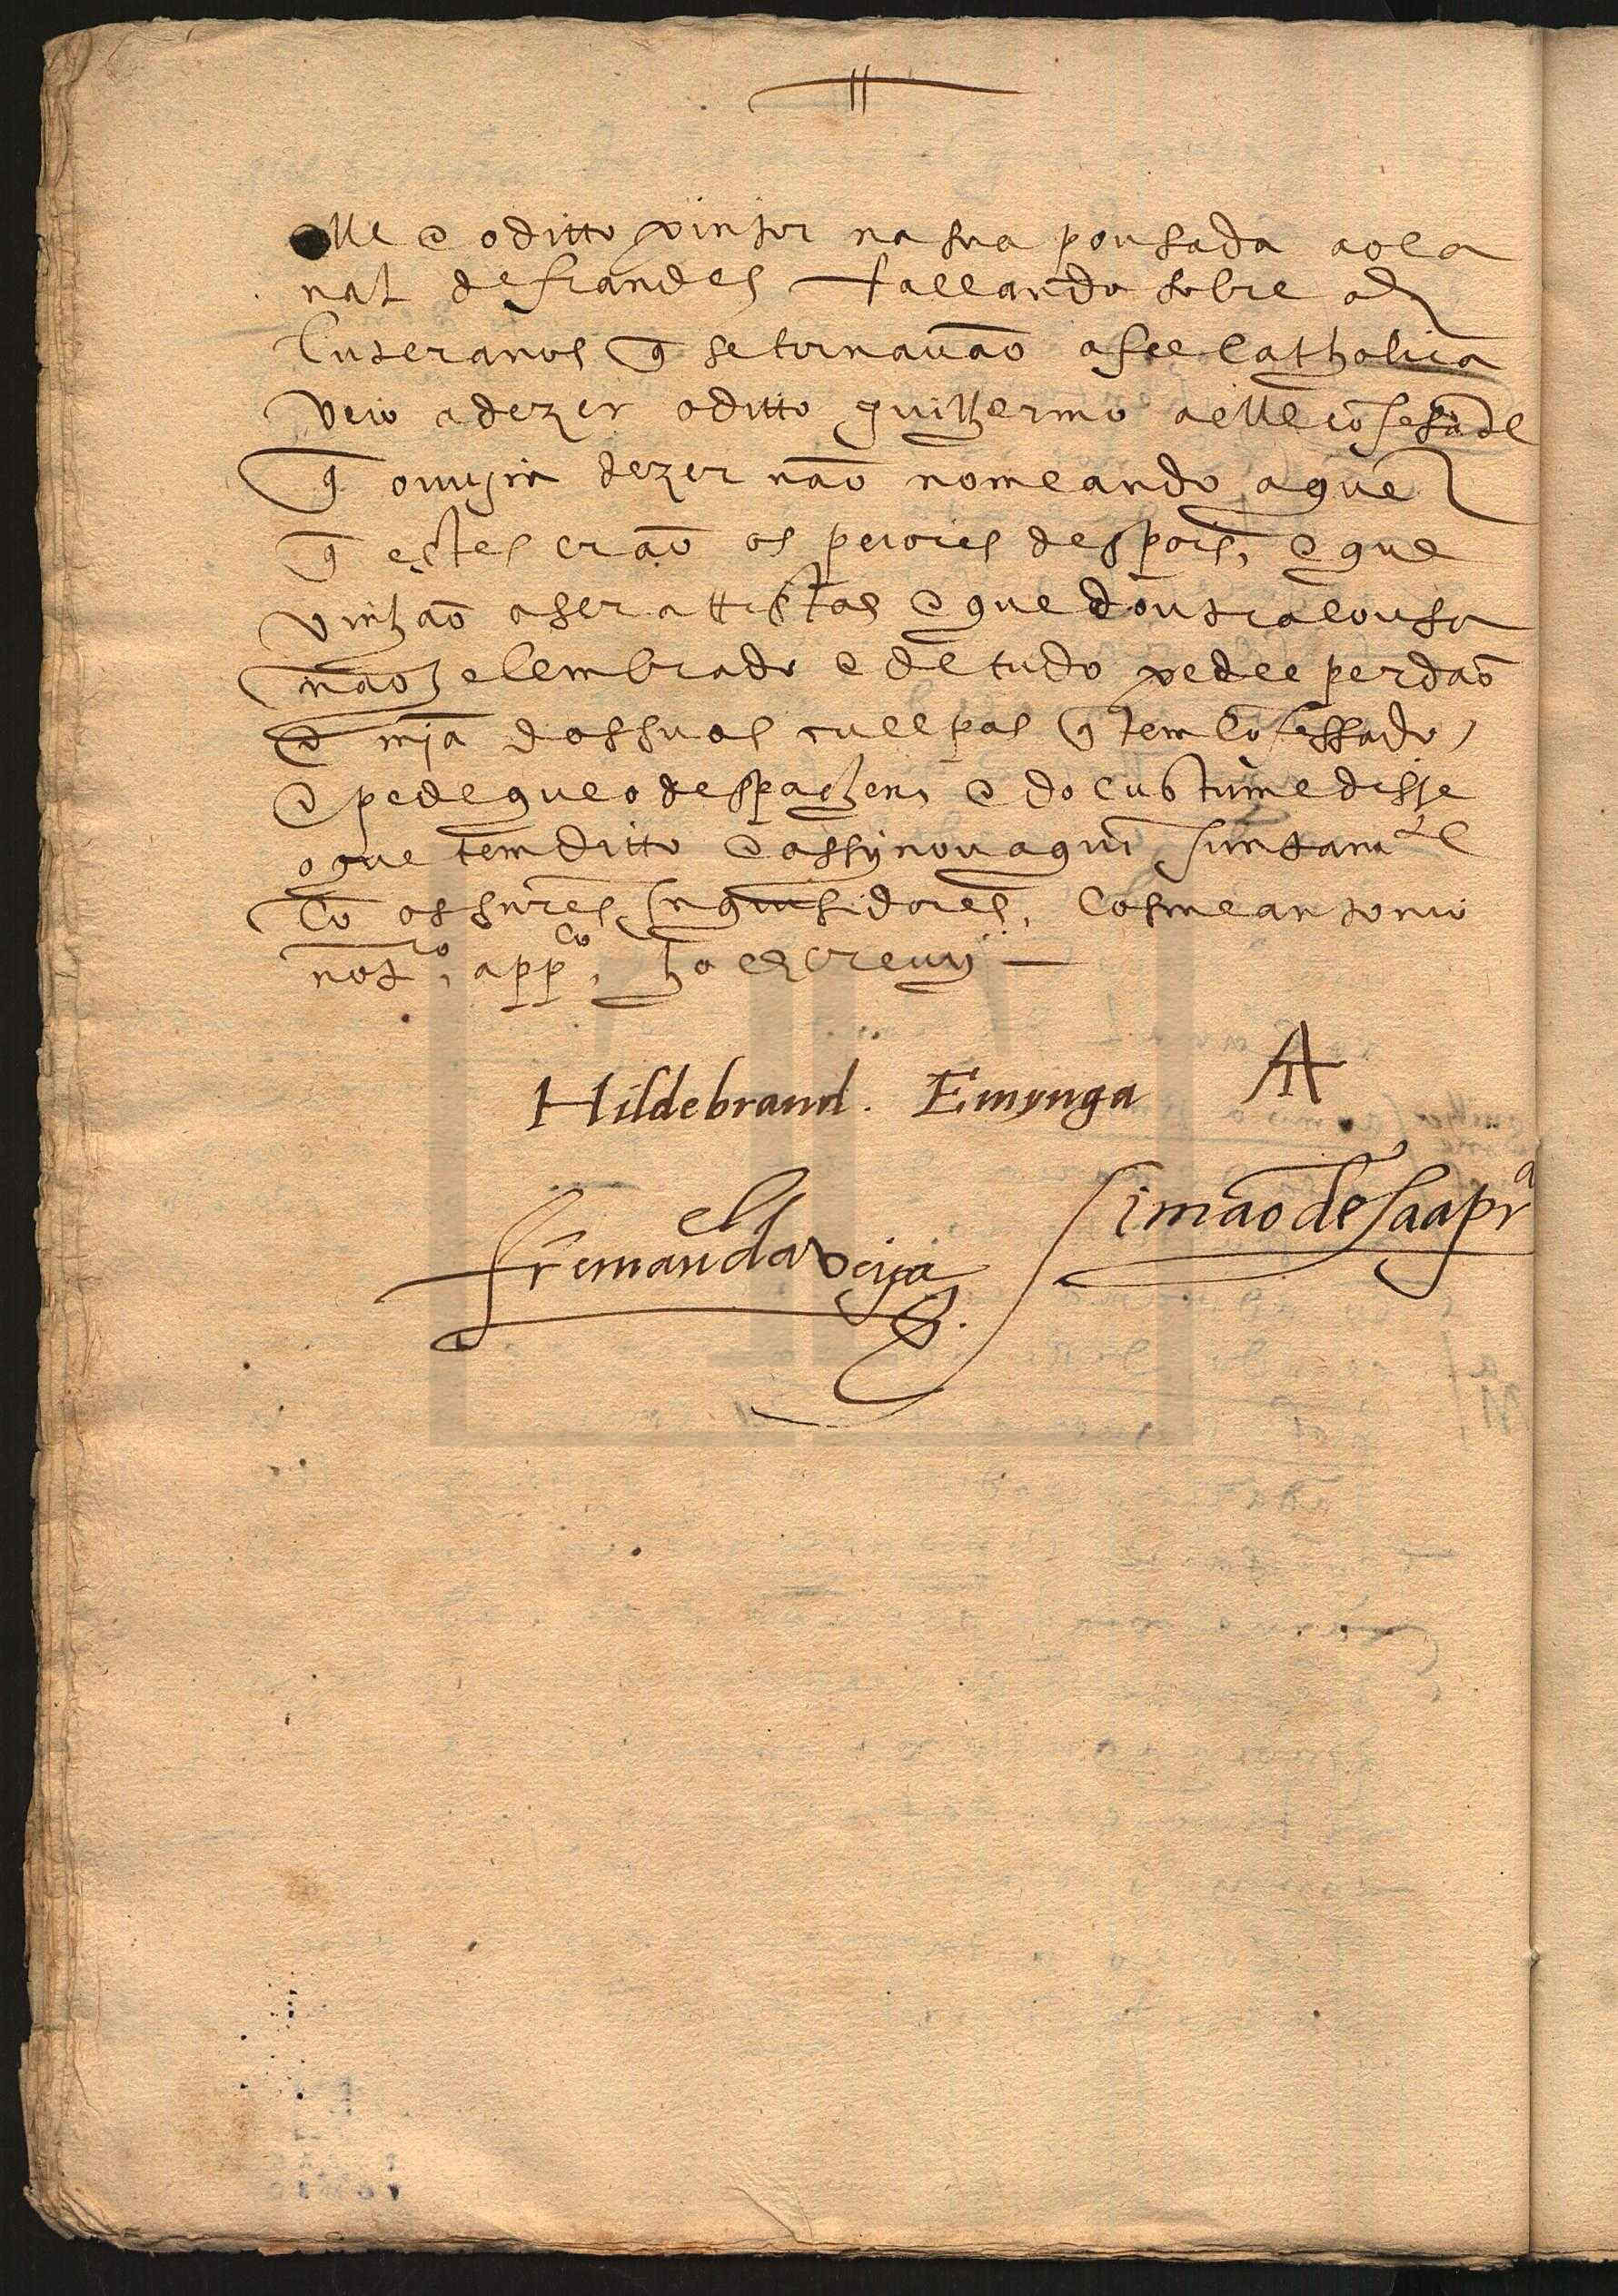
elle e o ditto pintor na sua pousada ao ca
nal de frandes fallando sobre os
luteranos q̄ se tornauão a fee catholica
veio a dezer o ditto guilhermo a elle cōfesāte
q̄ ouujra dezer não nomeando a quē
q̄ estes erão os peiores despois, e que
vinhão a ser attestas e que doutra cousa
não he lembrado e de tudo pedee perdaõ
e mj̄a das suas cullpas q̄ tem cōfessado /
e pede que o despachem e do custume disse
o que tem ditto e assynou aqui Juntamte
c̄o os snr̄es Jnquisidores, cosme antonio
notro appco o escreuy
Hildebrand. Emynga
Simão de Saa pra
fr̄ emanel da veiga
